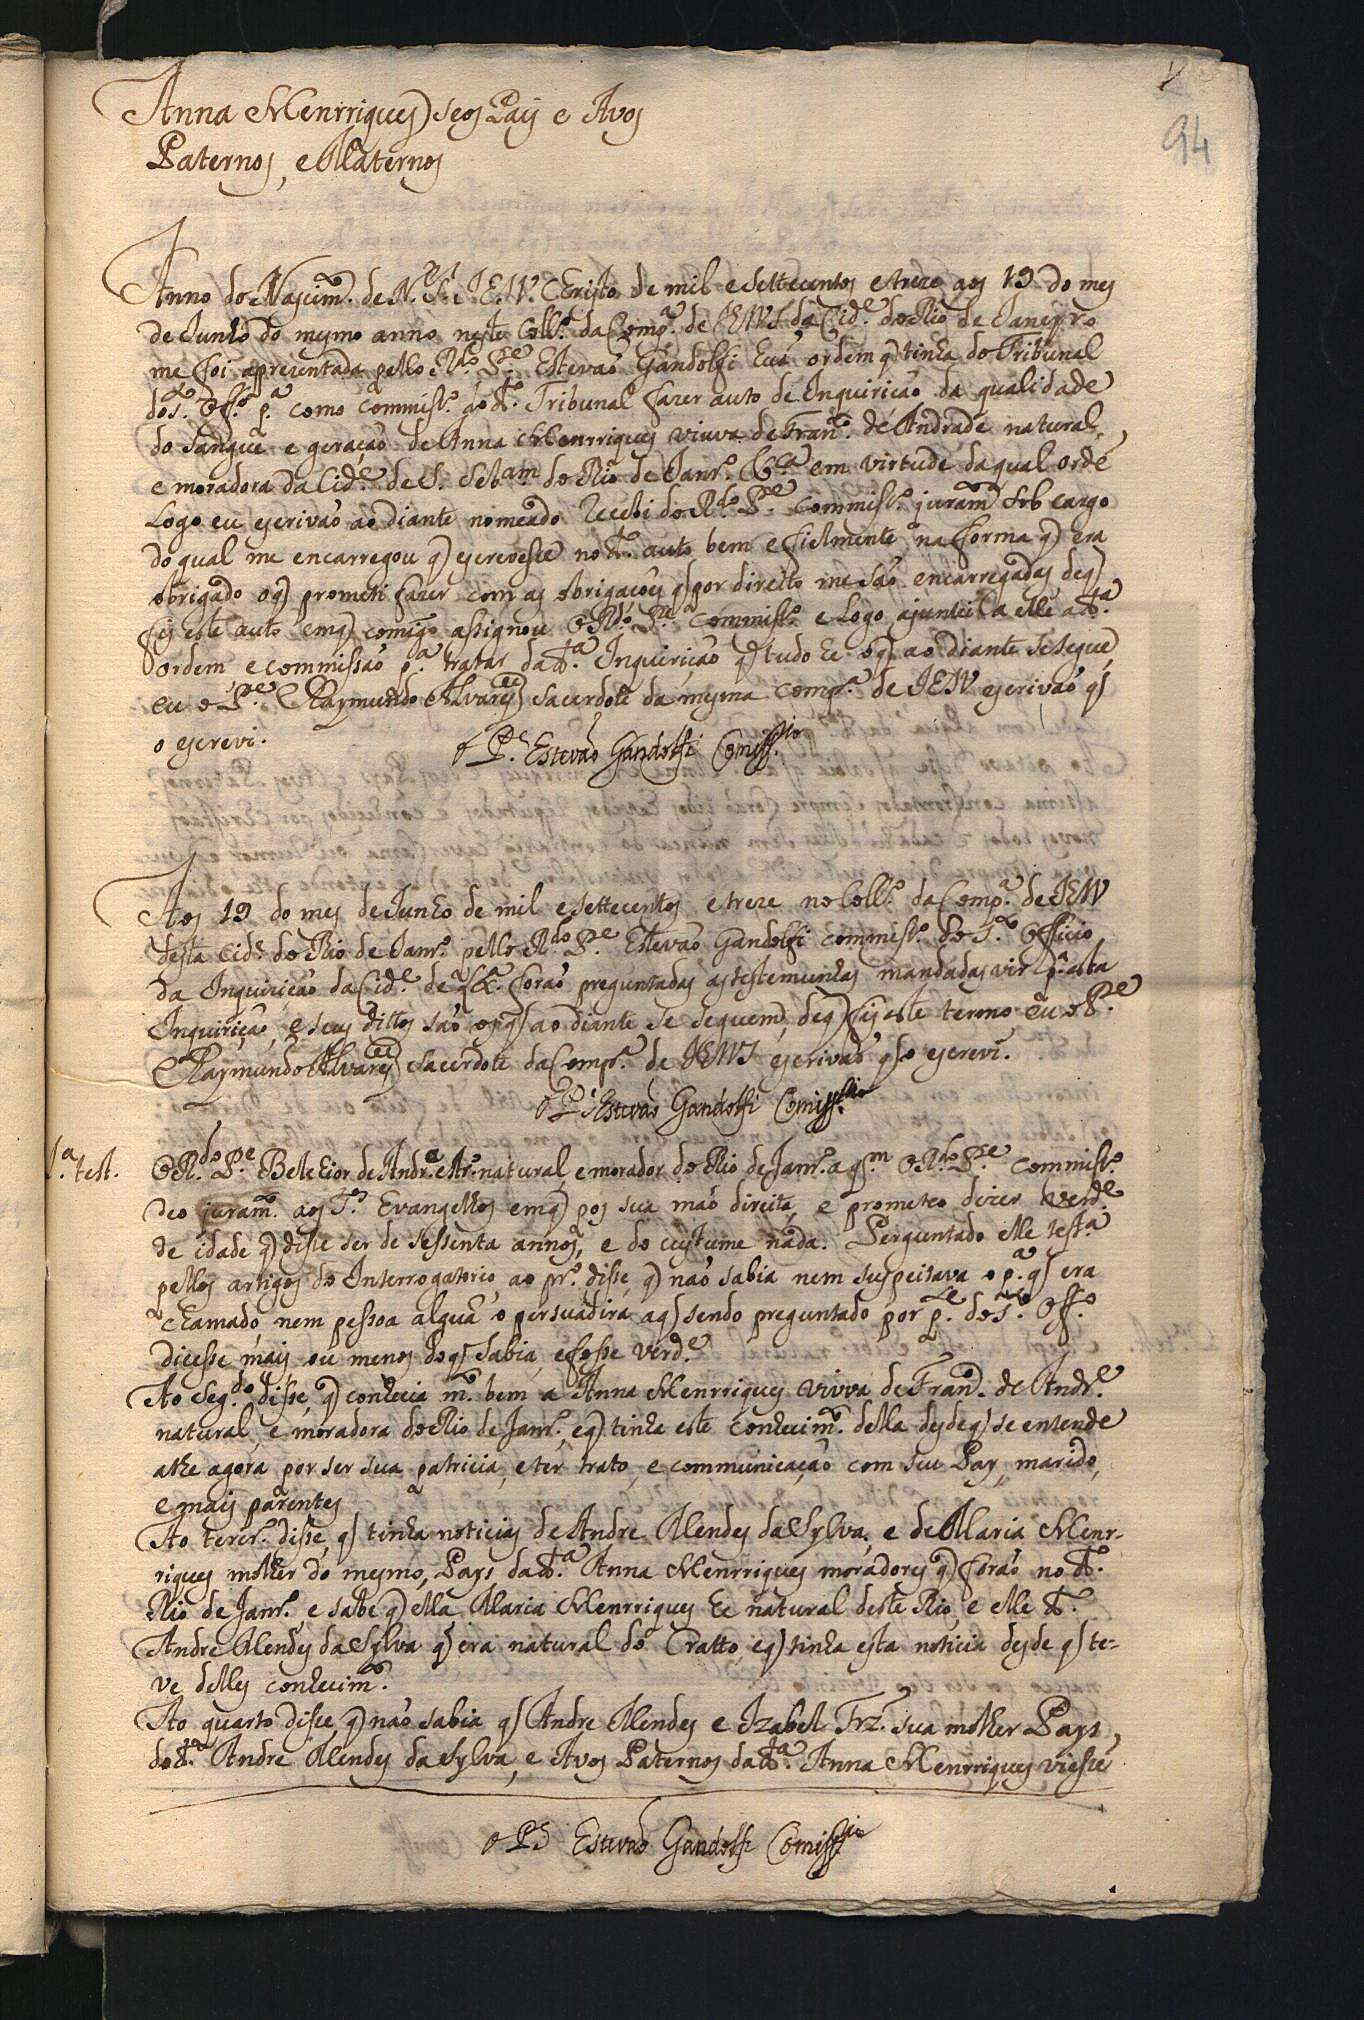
Anna Henrriques seos Pais e Avos
Paternos, e Maternos
Anno do Nascim.to de N. S.r IESV. Christo de mil e Settecentos e treze aos 19 do mes
de Iunho do mesmo anno neste Coll.o da Comp.a de IESVs da Cid.e do Rio de Ianeyro
me foi aprezentada pello R.do P.e Estevaõ Gandolfi huā ordem q̄ tinha do Tribunal
do s.to Off.o p.a como commiss.o do d̄.o Tribunal fazer auto de Inquiriçaõ da qualidade
do Sangue e geraçaõ de Anna Henrriques viuva de Fran.co de Andrade natural,
e moradora da Cid.e de S. Seb.am do Rio de Ianr.o &.ca em virtude da qual ordē
Logo eu escrivaõ ao diante nomeado Recebi do R.do P.e Commiss.o juram.to sob cargo
do qual me encarregou q̄ escrevesse no d̄.o auto bem e fielmente na forma q̄ era
obrigado o q̄ prometi fazer com as obrigaçoẽs q̄ por diretto me saõ encarregadas de q̄
fis este auto em q̄ comigo assignou o R.do P.e Commiss.o e Logo ajuntei a elle a d̄.a
ordem, e commissaõ p.a tratar da d̄.a Inquirição q̄ tudo he o q̄ ao diante se segue
eu o P.e Raymundo Alvares Sacerdote da mesma comp.a de IESV escrivaõ q̄
o escrevi.
O P.e Estevão Gandolfi Comss.rio
Aos 19 do mes de Iunho de mil e settecentos, e treze no Coll.o da Comp.a de IESV
desta Cid.e do Rio de Ianr.o pello R.do P.e Estevaõ Gandolfi commisr.o do S.to Officio
da Inquizição da Cid.e de Lx.a foraõ preguntadas as testemunhas mandadas vir p.a esta
Inquiriçaõ, e seus dittos saõ os q̄ ao diante se seguem, de q̄ fis este termo eu o P.e
Raymundo Alvares Sacerdote da Comp.a de IESVS escrivaõ q̄ o escrevi.
o P Estevaõ Gandolfi Comiss.io
1.a test.
O R.o P.e Belchior de Andr.e Ar.o natural, e morador do Rio de Janr.o a q.m o R.o P.e commisr.o
deo juram.to aos S.tos Evangelhos em q̄ pos sua maõ direita, e prometeo dizer verd.e
de idade q̄ disse ser de sessenta annos, e do custume nada. Perguntado elle test.a
pellos artigos do Interrogatorio, ao pr.o disse, q̄ naõ sabia nem suspeitava o p.a q̄ era
chamado nem pessoa alguā o persuadira a q̄ sendo preguntado por p.te do s.to Off.o
dicesse mais ou menos do q̄ Sabia, e fosse verd.e
Ao Seg.do disse, q̄ conhecia m.to bem a Anna Henrriques vivva de Fran.co de Andr.e
natural, e moradora do Rio de Janr.o, e q̄ tinha este conhecim.to della desde q̄ se entende
athe agora por ser sua patricia, e ter trato, e communicação com seu Pay, marido,
e mais parentes
Ao tercr.o disse, q̄ tinha noticias de Andre Mendes da Sylva, e de Maria Henr
riques molher do mesmo, Pays da d̄.a Anna Henrriques moradores q̄ foraõ no d̄.o
Rio de Janr.o, e sabe q̄ ella Maria Henrriques he natural deste Rio, e elle d̄.o
Andre Mendes da Sylva q̄ era natural do Cratto, e q̄ tinha esta noticia desde q̄ te
ve delles conhecimto.
Ao quarto disse, q̄ naõ sabia q̄ Andre Mendes e Izabel Frz̄ sua molher Pays,
do d̄.o Andre Mendes da Sylva, e Avos Paternos da d̄a. Anna Henrriques viessē
o PS Estevaõ Gandolfi Comissrio
